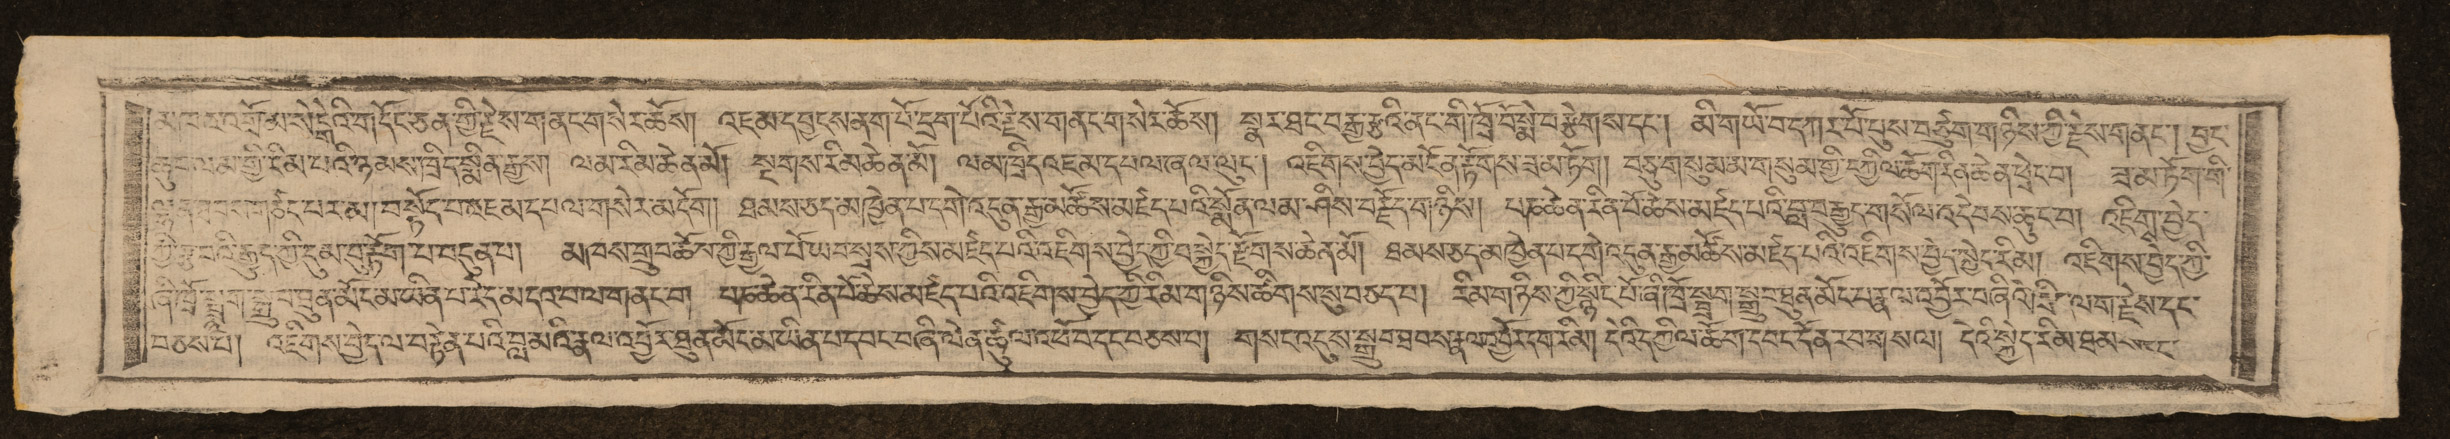མཁའ་འགྲོ་མ་སེངྒེའི་གདོང་ཅན་གྱི་རྗེས་གནང་གསེར་ཆོས། འཇམ་དབྱངས་ནག་པོ་དྲག་པོའི་རྗེས་གནང་གསེར་ཆོས། སྣར་ཐང་བརྒྱ་རྩའི་ནང་གི་ཁྲོ་བོ་སྨེ་བརྩེགས་དང་། མི་གཡོ་བ་དཀར་པོ་པུས་བཙུག་གཉིས་ཀྱི་རྗེས་གནང་། བྱང་
ཆུབ་ལམ་གྱི་རིམ་པའི་ཉམས་ཁྲིད་སྨིན་རྒྱས། ལམ་རིམ་ཆེན་མོ། སྔགས་རིམ་ཆེན་མོ། ལམ་ཁྲིད་འཇམ་དཔལ་ཞལ་ལུང་། འཇིགས་བྱེད་མངོན་རྟོགས་ཟ་མ་ཏོག། བཅུ་གསུམ་མ་གསུམ་གྱི་དཀྱིལ་ཆོག་རིན་ཆེན་ཕྲེང་བ། ཟ་མ་ཏོག་གི་
ལྷན་ཐབས་གཙང་པར་མ། བསྟོད་པ་འཇམ་དཔལ་གསེར་མདོག། ཐམས་ཅད་མཁྱེན་པ་དགེ་འདུན་རྒྱ་མཚོས་མཛད་པའི་སྨོན་ལམ་ཤིས་བརྗོད་གཉིས། པཎ་ཆེན་རིན་པོ་ཆེས་མཛད་པའི་བླ་བརྒྱུད་གསོལ་འདེབས་ཆུང་བ། འཇིགས་བྱེད་
ཀྱི་རྩ་བའི་རྒྱུད་ཀྱི་དུམ་བུ་རྟོག་པ་བདུན་པ། མཁས་གྲུབ་ཆོས་ཀྱི་རྒྱལ་པོ་ཡབ་སྲས་ཀྱིས་མཛད་པའི་འཇིགས་བྱེད་ཀྱི་བསྐྱེད་རྫོགས་ཆེན་མོ། ཐམས་ཅད་མཁྱེན་པ་དགེ་འདུན་རྒྱ་མཚོས་མཛད་པའི་འཇིགས་བྱེད་སྐྱེད་རིམ། འཇིགས་བྱེད་ཀྱི་
ཞི་ཁྲོ་སྤྲག་སྒྲུབ་ཐུན་མོང་མ་ཡིན་པའི་ད་མདའ་པ་ལ་གནང་བ། པཎ་ཆེན་རིན་པོ་ཆེས་མཛད་པའི་འཇིགས་བྱེད་ཀྱི་རིམ་གཉིས་ཚིགས་སུ་བཅད་པ། རིམ་གཉིས་ཀྱི་སྙིང་བོ་ནི་ཞི་ཁྲོ་སྦྲག་སྒྲུབ་ཐུན་མོང་པ་རྣལ་འབྱོར་བཞིའི་ཁྲིད་ལག་རྗེས་དང་
བཅས་པ། འཇིགས་བྱེད་ལ་བརྟེན་པའི་བླ་མའི་རྣལ་འབྱོར་ཐུན་མོང་མ་ཡིན་པ་དབང་བཞི་ལེན་ཚུལ་འཕོ་བ་དང་བཅས་པ། གསང་འདུས་སྒྲུབ་ཐབས་རྣལ་འབྱོར་དག་རིམ། དེའི་དཀྱིལ་ཆོག་དབང་དོན་རབ་གསལ། དེའི་སྐྱེད་རིམ་ཐམས་ཅད་